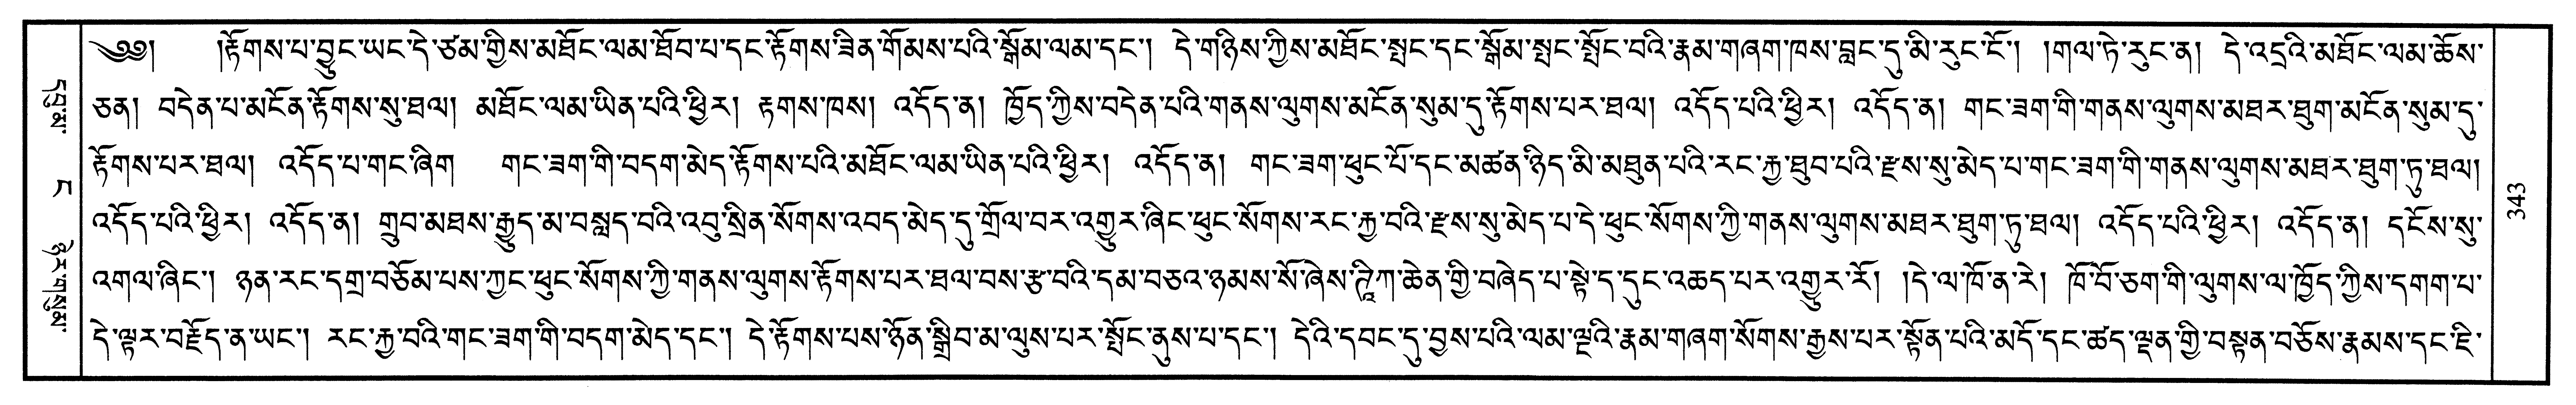༄༅། །རྟོགས་པ་བྱུང་ཡང་དེ་ཙམ་གྱིས་མཐོང་ལམ་ཐོབ་པ་དང་རྟོགས་ཟིན་གོམས་པའི་སྒོམ་ལམ་དང་། དེ་གཉིས་ཀྱིས་མཐོང་སྤང་དང་སྒོམ་སྤང་སྤོང་བའི་རྣམ་གཞག་ཁས་བླང་དུ་མི་རུང་ངོ། །གལ་ཏེ་རུང་ན། དེ་འདྲའི་མཐོང་ལམ་ཆོས་
ཅན། བདེན་པ་མངོན་རྟོགས་སུ་ཐལ། མཐོང་ལམ་ཡིན་པའི་ཕྱིར། རྟགས་ཁས། འདོད་ན། ཁྱོད་ཀྱིས་བདེན་པའི་གནས་ལུགས་མངོན་སུམ་དུ་རྟོགས་པར་ཐལ། འདོད་པའི་ཕྱིར། འདོད་ན། གང་ཟག་གི་གནས་ལུགས་མཐར་ཐུག་མངོན་སུམ་དུ་
རྟོགས་པར་ཐལ། འདོད་པ་གང་ཞིག་གང་ཟག་གི་བདག་མེད་རྟོགས་པའི་མཐོང་ལམ་ཡིན་པའི་ཕྱིར། འདོད་ན། གང་ཟག་ཕུང་པོ་དང་མཚན་ཉིད་མི་མཐུན་པའི་རང་རྐྱ་ཐུབ་པའི་རྫས་སུ་མེད་པ་གང་ཟག་གི་གནས་ལུགས་མཐར་ཐུག་ཏུ་ཐལ།
འདོད་པའི་ཕྱིར། འདོད་ན། གྲུབ་མཐས་རྒྱུད་མ་བསླད་པའི་འབུ་སྲིན་སོགས་འབད་མེད་དུ་གྲོལ་བར་འགྱུར་ཞིང་ཕུང་སོགས་རང་རྐྱ་བའི་རྫས་སུ་མེད་པ་དེ་ཕུང་སོགས་ཀྱི་གནས་ལུགས་མཐར་ཐུག་ཏུ་ཐལ། འདོད་པའི་ཕྱིར། འདོད་ན། དངོས་སུ་
འགལ་ཞིང་། ཉན་རང་དགྲ་བཅོམ་པས་ཀྱང་ཕུང་སོགས་ཀྱི་གནས་ལུགས་རྟོགས་པར་ཐལ་བས་རྩ་བའི་དམ་བཅའ་ཉམས་སོ་ཞེས་ཊཱིཀ་ཆེན་གྱི་བཞེད་པ་སྟེ་ད་དུང་འཆད་པར་འགྱུར་རོ། །དེ་ལ་ཁོ་ན་རེ། ཁོ་བོ་ཅག་གི་ལུགས་ལ་ཁྱོད་ཀྱིས་དགག་པ་
དེ་ལྟར་བརྗོད་ན་ཡང་། རང་རྐྱ་བའི་གང་ཟག་གི་བདག་མེད་དང་། དེ་རྟོགས་པས་ཉོན་སྒྲིབ་མ་ལུས་པར་སྤོང་ནུས་པ་དང་། དེའི་དབང་དུ་བྱས་པའི་ལམ་ལྔའི་རྣམ་གཞག་སོགས་རྒྱས་པར་སྟོན་པའི་མདོ་དང་ཚད་ལྡན་གྱི་བསྟན་བཅོས་རྣམས་དང་ཇི་